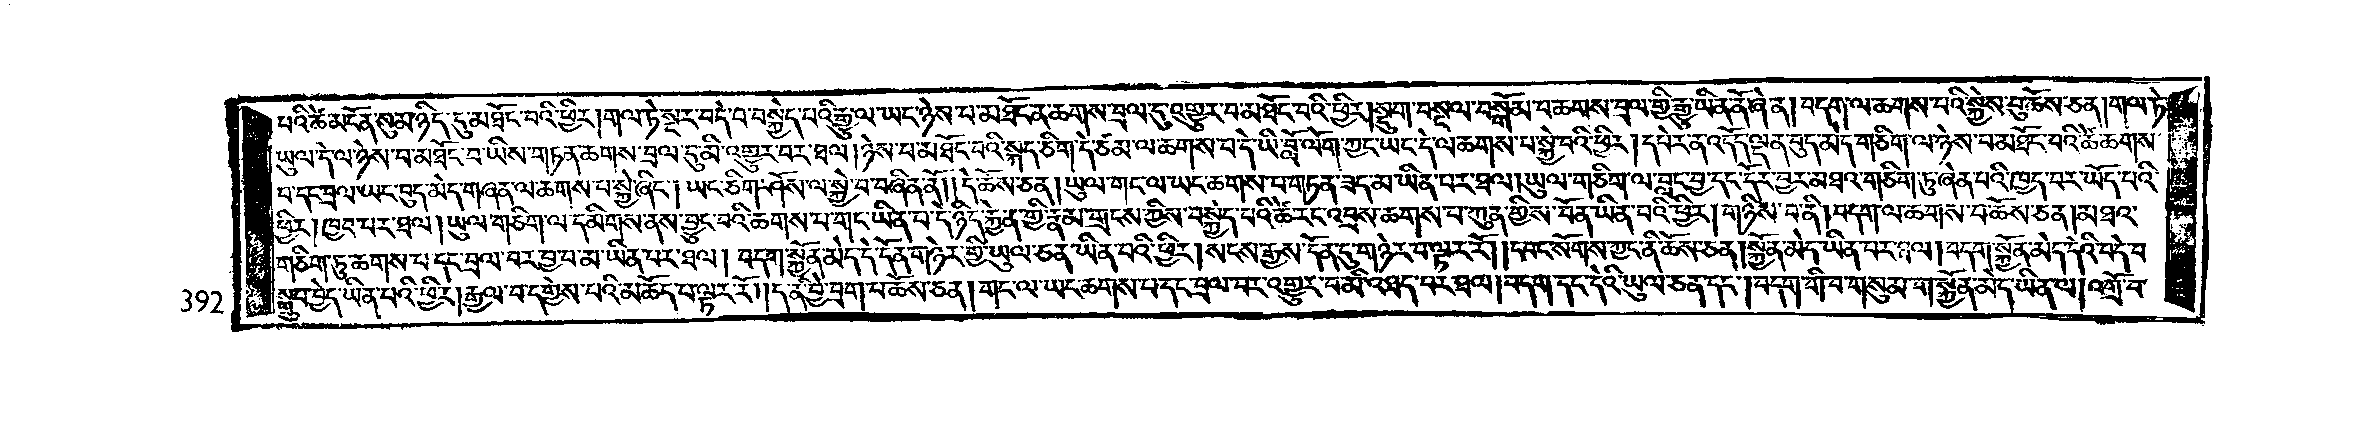པའི་ཚེ་མངོན་སུམ་ཉིད་དུ་མཐོང་བའི་ཕྱིར། གལ་ཏེ་སྔར་བདེ་བ་བསྐྱེད་པའི་རྒྱུ་ལ་ཡང་ཉེས་པ་མཐོང་ན་ཆགས་བྲལ་དུ་འགྱུར་བ་མཐོང་བའི་ཕྱིར། སྡུག་བསྔལ་བསྒོམ་པ་ཆགས་བྲལ་གྱི་རྒྱུ་ཡིན་ནོ་ཞེ་ན། བདག་ལ་ཆགས་པའི་སྐྱེས་བུ་ཆོས་ཅན། གལ་ཏེ་
ཡུལ་དེ་ལ་ཉེས་པ་མཐོང་བ་ཡིས་གཏན་ཆགས་བྲལ་དུ་མི་འགྱུར་བར་ཐལ། ཉེས་པ་མཐོང་བའི་སྐད་ཅིག་དེ་ཙམ་ལ་ཆགས་པ་དེ་ཡི་བློ་ལོག་ཀྱང་ཡང་དེ་ལ་ཆགས་པ་སྐྱེ་བའི་ཕྱིར། དཔེར་ན་འདོད་ལྡན་བུད་མེད་གཅིག་ལ་ཉེས་པ་མཐོང་བའི་ཚེ་ཆགས་
པ་དང་བྲལ་ཡང་བུད་མེད་གཞན་ལ་ཆགས་པ་སྐྱེ་ཞིང་། ཡང་ཅིག་ཤོས་ལ་སྐྱེ་བ་བཞིན་ནོ། །དེ་ཆོས་ཅན། ཡུལ་གང་ལ་ཡང་ཆགས་པ་གཏན་ཟད་མ་ཡིན་པར་ཐལ། ཡུལ་གཅིག་ལ་བླང་བྱ་དང་དོར་བྱར་མཐའ་གཅིག་ཏུ་ཞེན་པའི་ཁྱད་པར་ཡོད་པའི་
ཕྱིར། ཁྱབ་པར་ཐལ། ཡུལ་གཅིག་ལ་དམིགས་ནས་བྱུང་བའི་ཆགས་པ་གང་ཡིན་པ་དེ་ཉིད་རྐྱེན་གྱི་རྣམ་གྲངས་ཀྱིས་བསྐྱེད་པའི་ཚེ་རང་འབྲས་ཆགས་པ་ཀུན་གྱི་ས་བོན་ཡིན་པའི་ཕྱིར། གཉིས་པ་ནི། བདག་ལ་ཆགས་པ་ཆོས་ཅན། མཐལ་
གཅིག་ཏུ་ཆགས་པ་དང་བྲལ་བར་བྱ་བ་མ་ཡིན་པར་ཐལ། བདག་སྐྱོན་མེད་དེ་དོན་གཉེར་གྱི་ཡུལ་ཅན་ཡིན་པའི་ཕྱིར། སངས་རྒྱས་དོན་དུ་གཉེར་བ་ལྟར་རོ། །དབང་སོགས་ཀྱང་ནི་ཆོས་ཅན། སྐྱོན་མེད་ཡིན་པར་ཐལ། བདག་སྐྱོན་མེད་དེའི་བདེ་བ་
སྒྲུབ་བྱེད་ཡིན་པའི་ཕྱིར། རྒྱལ་བ་དགྱིས་པའི་མཆོད་པ་ལྟར་རོ། །ད་ནི་བྱེ་བྲག་པ་ཆོས་ཅན། གང་ལ་ཡང་ཆགས་པ་དང་བྲལ་བར་འགྱུར་བ་མི་འཐད་པར་ཐལ། བདག་དང་དེའི་ཡུལ་ཅན་དང་། བདག་གི་བ་གསུམ་ག་སྐྱོན་མེད་ཡིན་ལ། འགྲོ་བ་